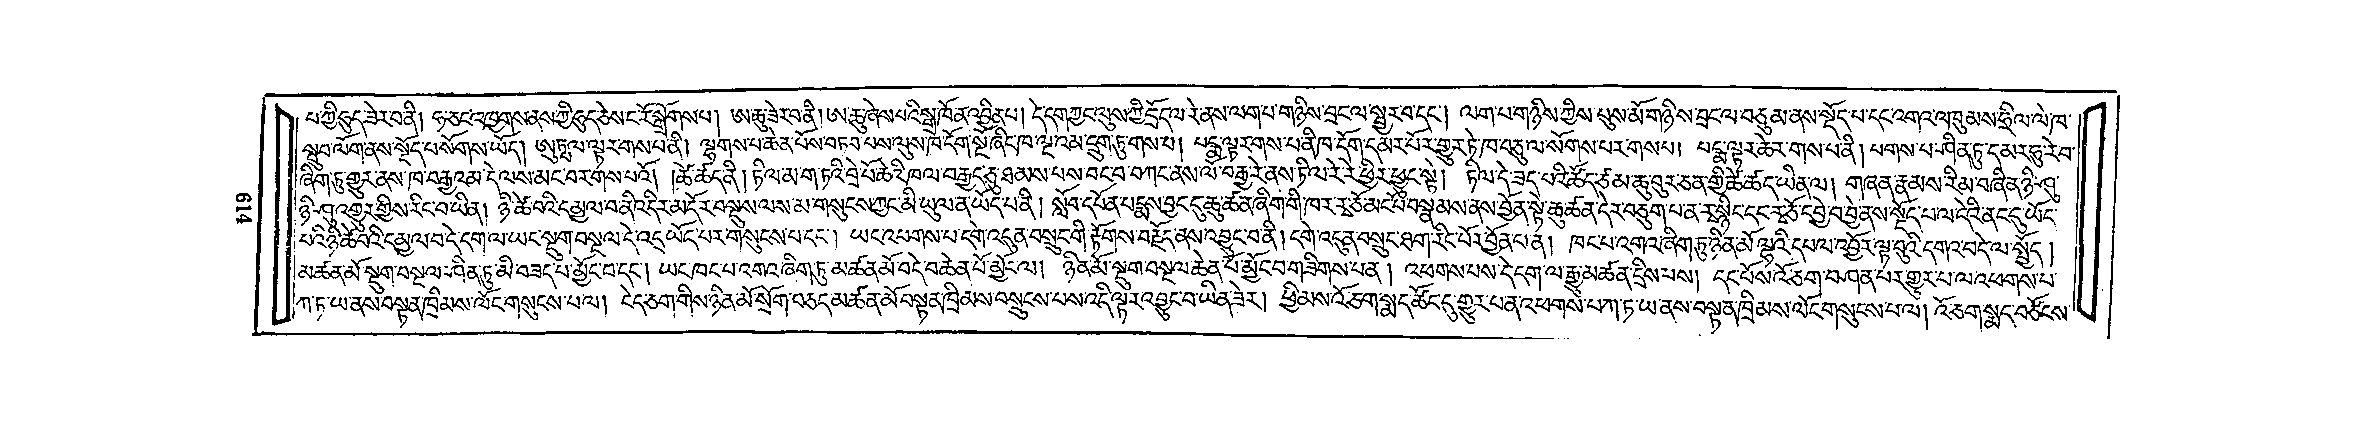པ་ཀྱི་ཧུད་ཟེར་བ་ནི། ཧ་ཅང་འཁྱགས་ནས་ཀྱི་ཧུད་ཅེས་ང་རོ་སྒྲོགས་པ། ཨ་ཆུ་ཟེར་བ་ནི། ཨ་ཆུ་ཞེས་པའི་སྒྲ་ཁོ་ན་འབྱིན་པ། དེ་དག་ཀྱང་ལུས་ཀྱི་དྲོད་ལ་རེ་ནས་ལག་པ་གཉིས་བྲང་ལ་སྦྱར་བ་དང་། ལག་པ་གཉིས་ཀྱིས་པུས་མོ་གཉིས་བྲང་ལ་བཅུམ་ནས་སྡོད་པ་དང་འགའ་འཁུམས་ཧྲིལ་ལེ་ཁ་
སྦུབ་ལོག་ནས་སྡོད་པ་སོགས་ཡོད། ཨུཏྤླ་ལྟར་གས་པ་ནི། ལྷགས་པ་ཆེན་པོས་བཏབ་པས་ལུས་ཁ་དོག་སྔོ་ཞིང་ཁ་ལྔའམ་དྲུག་ཏུ་གས་པ། པདམ་ལྟར་གས་པ་ནི་ཁ་དོག་དམར་པོར་གྱུར་ཏེ་ཁ་བཅུ་ལ་སོགས་པར་གས་པ། པདམ་ལྟར་ཆེར་གས་པ་ནི། པགས་པ་ཤིན་ཏུ་དམར་ཧུ་རེ་བ་
ཞིག་ཏུ་གྱུར་ནས་ཁ་བརྒྱའམ་དེ་ལས་མང་བར་གས་པའོ། །ཚེ་ཚད་ནི། ཏིལ་མ་ག་ཏའི་བྲེ་པོ་ཆེའི་ཁལ་བརྒྱད་ཅུ་ཐམས་པས་བང་བ་བཀང་ནས་ལོ་བརྒྱ་རེ་ནས་ཏིལ་རེ་རེ་ཕྱིར་ཕྱུང་སྟེ། ཏིལ་དེ་ཟད་པའི་ཚོད་ཙམ་ཆུ་བུར་ཅན་གྱི་ཚེ་ཚད་ཡིན་ལ། གཞན་རྣམས་རིམ་བཞིན་ཉི་ཤུ་
ཉི་ཤུ་འགྱུར་གྱིས་རིང་བ་ཡིན། ཉི་ཚེ་བའི་དམྱལ་བ་ནི་འདིར་མདོར་བསྡུས་ལས་མ་གསུངས་ཀྱང་མི་ཡུལ་ན་ཡོད་པ་ནི། སློབ་དཔོན་པདམས་བྱང་དུ་ཆུ་ཚན་ཞིག་གི་ཁར་རྭ་ཅོ་མང་པོ་བསྣམས་ནས་བྱོན་སྟེ་ཆུ་ཚན་དེར་བཅུག་པ་ན་རྭ་སྙིང་དང་རྭ་ཅོ་དབྱེ་བ་བྱེ་ནས་སྡོད་པ་ལ་དེའི་ནང་དུ་ཡོད་
པའི་ཉི་ཚེ་བའི་དམྱལ་བ་དེ་དག་ལ་ཡང་སྡུག་བསྔལ་དེ་འདྲ་ཡོད་པར་གསུངས་པ་དང་། ཡང་འཕགས་པ་དགེ་འདུན་བསྲུང་གི་རྟོགས་བརྗོད་ནས་འབྱུང་བ་ནི། དགེ་འདུན་བསྲུང་ཐག་རིང་པོར་བྱོན་པ་ན། ཁང་པ་འགའ་ཞིག་ཏུ་ཉིན་མོ་ལྷའི་དཔལ་འབྱོར་ལྟ་བུའི་དགའ་བདེ་ལ་སྤྱོད།
མཚན་མོ་སྡུག་བསྔལ་ཤིན་ཏུ་མི་བཟད་པ་མྱོང་བ་དང་། ཡང་ཁང་པ་འགའ་ཞིག་ཏུ་མཚན་མོ་བདེ་བ་ཆེན་པོ་མྱོང་ལ། ཉིན་མོ་སྡུག་བསྔལ་ཆེན་པོ་མྱོང་བ་གཟིགས་པ་ན། འཕགས་པས་དེ་དག་ལ་རྒྱུ་མཚན་དྲིས་པས། དང་པོས་འོ་ཅག་བཤན་པར་གྱུར་པ་ལ་འཕགས་པ་
ཀ་ཏ་ཡ་ནས་བསྟན་ཁྲིམས་ལོང་གསུངས་པ་ལ། ངེད་ཅག་གིས་ཉིན་མོ་སྲོག་བཅད་མཚན་མོ་བསྟན་ཁྲིམས་བསྲུངས་པས་འདི་ལྟར་འབྱུང་བ་ཡིན་ཟེར། ཕྱི་མས་འོ་ཅག་སྨད་ཚོང་དུ་གྱུར་པ་ན་འཕགས་པ་ཀ་ཏ་ཡ་ནས་བསྟན་ཁྲིམས་ལོང་གསུངས་པ་ལ། འོ་ཅག་སྨད་བཙོངས་